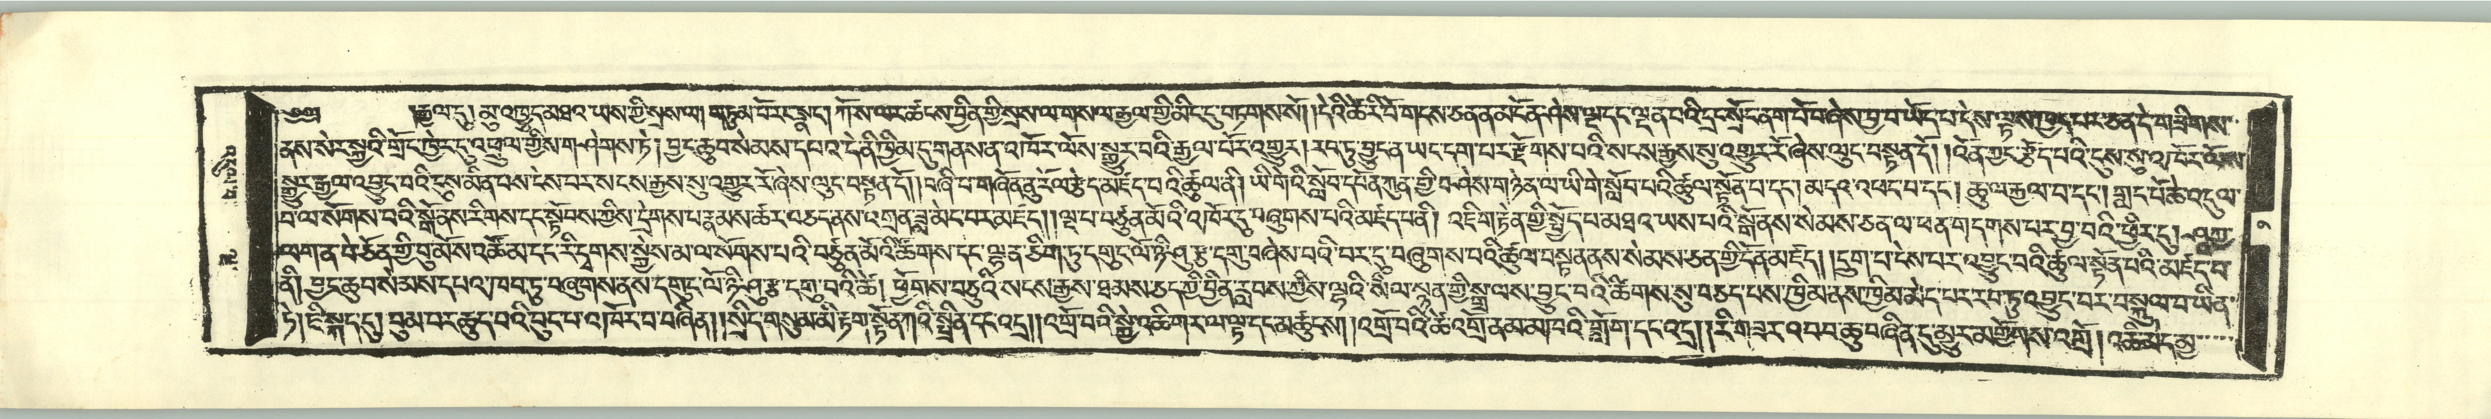༄༅། །རྒྱལ་དུ། མུ་འཁྱུད་མཐའ་ཡས་ཀྱི་སྲས་ལ། གཏུམ་པོ་རང་སྣང་། ཀོ་ས་ལར་ཚངས་བྱིན་གྱི་སྲས་ལ་གསལ་རྒྱལ་གྱི་མིང་དུ་བཏགས་སོ། །དེའི་ཚེ་རི་བོ་གངས་ཅན་ན་མངོན་ཤེས་ལྔ་དང་ལྡན་པའི་དྲང་སྲོང་ནག་པོ་བ་ཞེས་བྱ་བ་ཡོད་པ་དེས་ལྟས་ཁྱད་པར་ཅན་དེ་གཟིགས་
ནས་སེར་སྐྱའི་གྲོང་ཁྱེར་དུ་འཕྲུལ་གྱིས་གཤེགས་ཏེ། བྱང་ཆུབ་སེམས་དཔའ་དེ་ནི་ཁྱིམ་དུ་གནས་ན་འཁོར་ལོས་སྒྱུར་བའི་རྒྱལ་པོར་འགྱུར། རབ་ཏུ་བྱུང་ན་ཡང་དག་པར་རྫོགས་པའི་སངས་རྒྱས་སུ་འགྱུར་རོ་ཞེས་ལུང་བསྟན་དོ། །འོན་ཀྱང་རྩོད་པའི་དུས་སུ་འཁོར་ལོས་
སྒྱུར་རྒྱལ་འབྱུང་བའི་དུས་མིན་པས་ངེས་པར་སངས་རྒྱས་སུ་འགྱུར་རོ་ཞེས་ལུང་བསྟན་དོ། །བཞི་བ་གཞོན་ནུ་རོལ་རྩེད་མཛད་པའི་ཚུལ་ནི། ཡི་གེའི་སློབ་དཔོན་ཀུན་གྱི་བཤེས་གཉེན་ལ་ཡི་གེ་སློབ་པའི་ཚུལ་སྟོན་པ་དང་། མདའ་འཕང་བ་དང་། ཆུ་ལ་རྐྱལ་བ་དང་། གླང་པོ་ཆེ་འདུལ་
བ་ལ་སོགས་བའི་སྒོ་ནས་རིགས་དང་སྟོབས་ཀྱིས་དྲེགས་པ་རྣམས་ཚར་བཅད་ནས་འགྲན་ཟླ་མེད་པར་མཛད། །ལྔ་པ་བཙུན་མོའི་འཁོར་དུ་བཞུགས་པའི་མཛད་པ་ནི། འཇིག་རྟེན་གྱི་སྤྱོད་པ་མཐའ་ཡས་པའི་སྒོ་ནས་སེམས་ཅན་ལ་ཕན་གདགས་པར་བྱ་བའི་ཕྱིར་དུ། ཤའྐྱ་
ལག་ན་བེ་ཅོན་གྱི་བུ་མོས་འཚོ་མ་དང་རི་དྭགས་སྐྱེས་མ་ལ་སོགས་པའི་བཙུན་མོའི་ཚོགས་དང་ལྷན་ཅིག་ཏུ་དགུང་ལོ་ཉི་ཤུ་རྩ་དགུ་བཞེས་པའི་བར་དུ་བཞུགས་པའི་ཚུལ་བསྟན་ནས་སེམས་ཅན་གྱི་དོན་མཛད། །དྲུག་པ་ངེས་པར་འབྱུང་བའི་ཚུལ་སྟོན་པའི་མཛད་པ་
ནི། བྱང་ཆུབ་སེམས་དཔའ་ཁབ་ཏུ་བཞུགས་ནས་དགུང་ལོ་ཉི་ཤུ་རྩ་དགུ་བའི་ཚེ། ཕྱོགས་བཅུའི་སངས་རྒྱས་ཐམས་ཅད་ཀྱི་བྱིན་རླབས་ཀྱིས་ལྷའི་སིལ་སྙན་གྱི་སྒྲ་ལས་བྱུང་བའི་ཚིགས་སུ་བཅད་པས་ཁྱིམ་ནས་ཁྱིམ་མེད་པར་རབ་ཏུ་འབྱུང་བར་བསྐུལ་བ་ཡིན་
ཏེ། ཇི་སྐད་དུ། བུམ་པར་ཆུད་བའི་བུང་བ་འཁོར་བ་བཞིན། །སྲིད་གསུམ་མི་རྟག་སྟོན་ཀའི་སྤྲིན་དང་འདྲ། །འགྲོ་བའི་སྐྱེ་འཆི་གར་ལ་ལྟ་དང་མཚུངས། །འགྲོ་བའི་ཚེ་འགྲོ་ནམ་མཁའི་གློག་དང་འདྲ། །རི་གཟར་འབབ་ཆུ་བཞིན་དུ་མྱུར་མགྱོགས་འགྲོ། འཆི་མེད་མྱ་